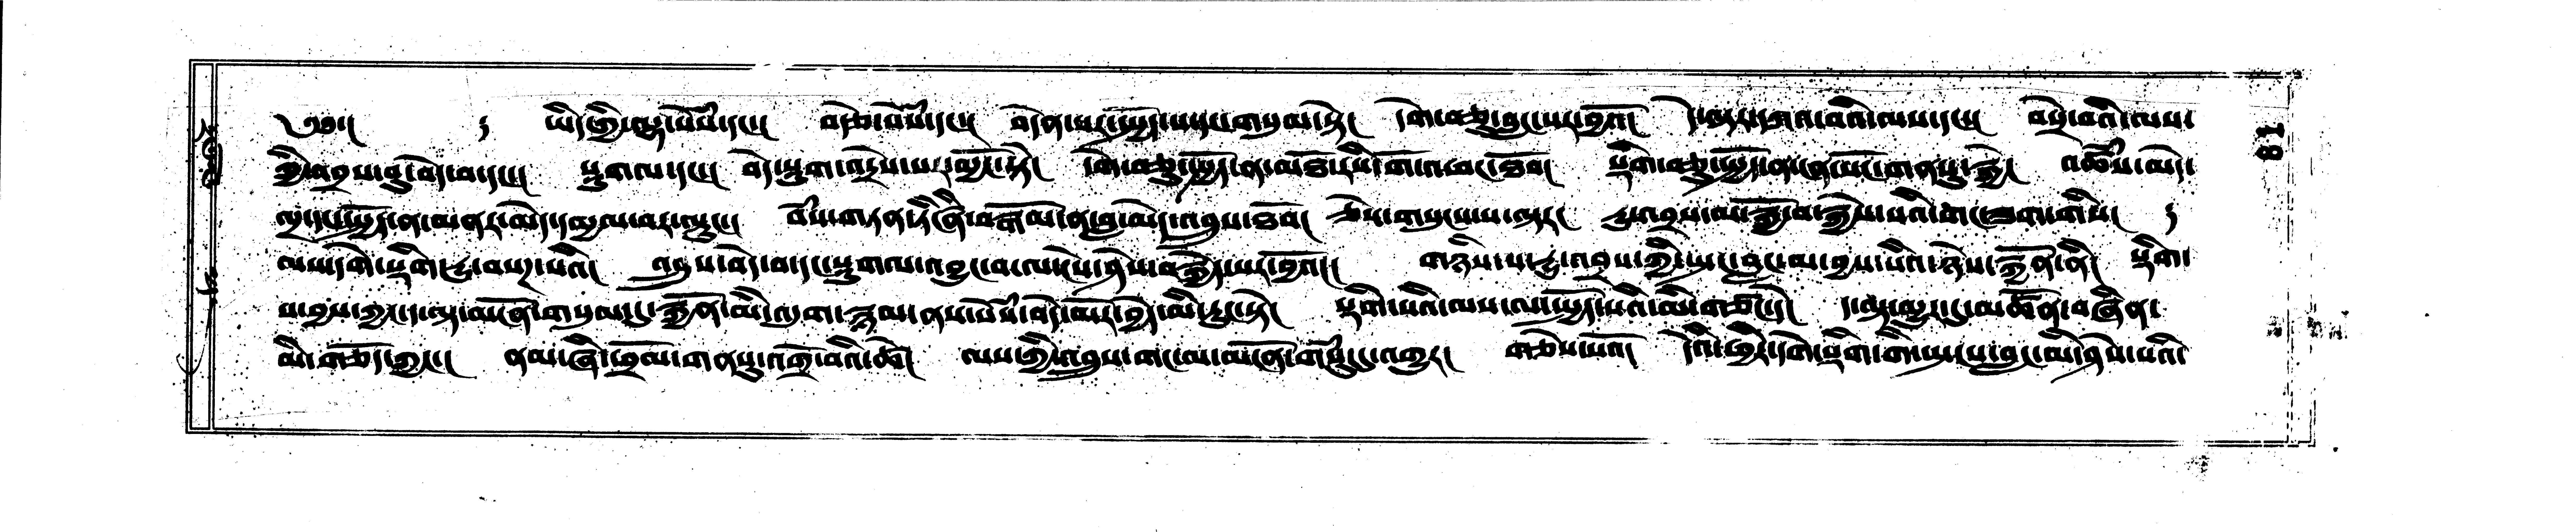ཡིད་ཀྱི་ལྷ་སེམས་དང་། བརྩེ་སེམས་དང་། བདེན་པར་སྤྱོད་པ་དང་གསུམ་སྟེ། དགེ་བཅུ་བླང་བར་བྱའོ། །དེ་ལྟར་དཀའ་བའི་ལས་དང་། བསྲེ་བའི་ལས་
ཀྱི་འབྲས་བུ་བདེ་བ་དང་། སྡུག་བསྔལ་དང་། བདེ་སྡུག་འདྲེས་པར་མྱོང་སྟེ། དགེ་བཅུ་སྤྱོད་ན་མཐོ་རིས་གོ་འཕང་ཐོབ། སྡིག་བཅུ་སྤྱོད་ན་ངན་སོང་གནས་སུ་སྐྱེ། མཚམས་མེད་
ལྔ་དང་སྤྱོད་ན་མནར་མེད་དམྱལ་བར་ལྟུང་། བསམ་གཏན་ཏིང་འཛིན་བསྒོམ་ན་བླ་མེད་འབྲས་བུ་ཐོབ། །ཅེས་གསུངས་པ་ལྟར། རྒྱུ་འབྲས་ལ་སྐྱོ་བ་སྐྱེས་པའི་གང་ཟག་གིས། 
ལས་དགེ་སྡིག་རྒྱུ་བསགས་པའི། འབྲས་བུ་བདེ་བ་དང་སྡུག་བསྔལ་འབྱུང་བ་ལ་ངེས་ཤེས་བསྐྱེད་པར་བྱའོ། །གཉིས་པ་རྒྱུ་འབྲས་ཀྱི་སྤང་བླང་མ་བྱས་པའི་ཉེས་སྐྱོན་ནི། སྡིག་
པ་བྱས་ཀྱང་ད་ལྟ་མངོན་སུམ་དུ་སྐྱོན་མི་འདུག་སྙམ་ནས་སེམས་བདེ་མོར་བྱེད་མི་རུང་སྟེ། སྡིག་པའི་ལས་ལ་སྤྱོད་པའི་མི་གཙང་དེ། །ད་ལྟ་མྱུར་དུ་མཚོན་བཞིན་
མི་གཅོད་ཀྱང་། །ནམ་ཞིག་ཕ་རོལ་གནས་སུ་འགྲོ་བའི་ཚེ། །ལས་ཀྱི་འབྲས་བུ་གང་ལ་མངོན་སུམ་འགྱུར། །ཞེས་པའོ། །དེའི་ཕྱིར་དགེ་སྡིག་གི་སྤང་བླང་མི་ཤེས་པའི་